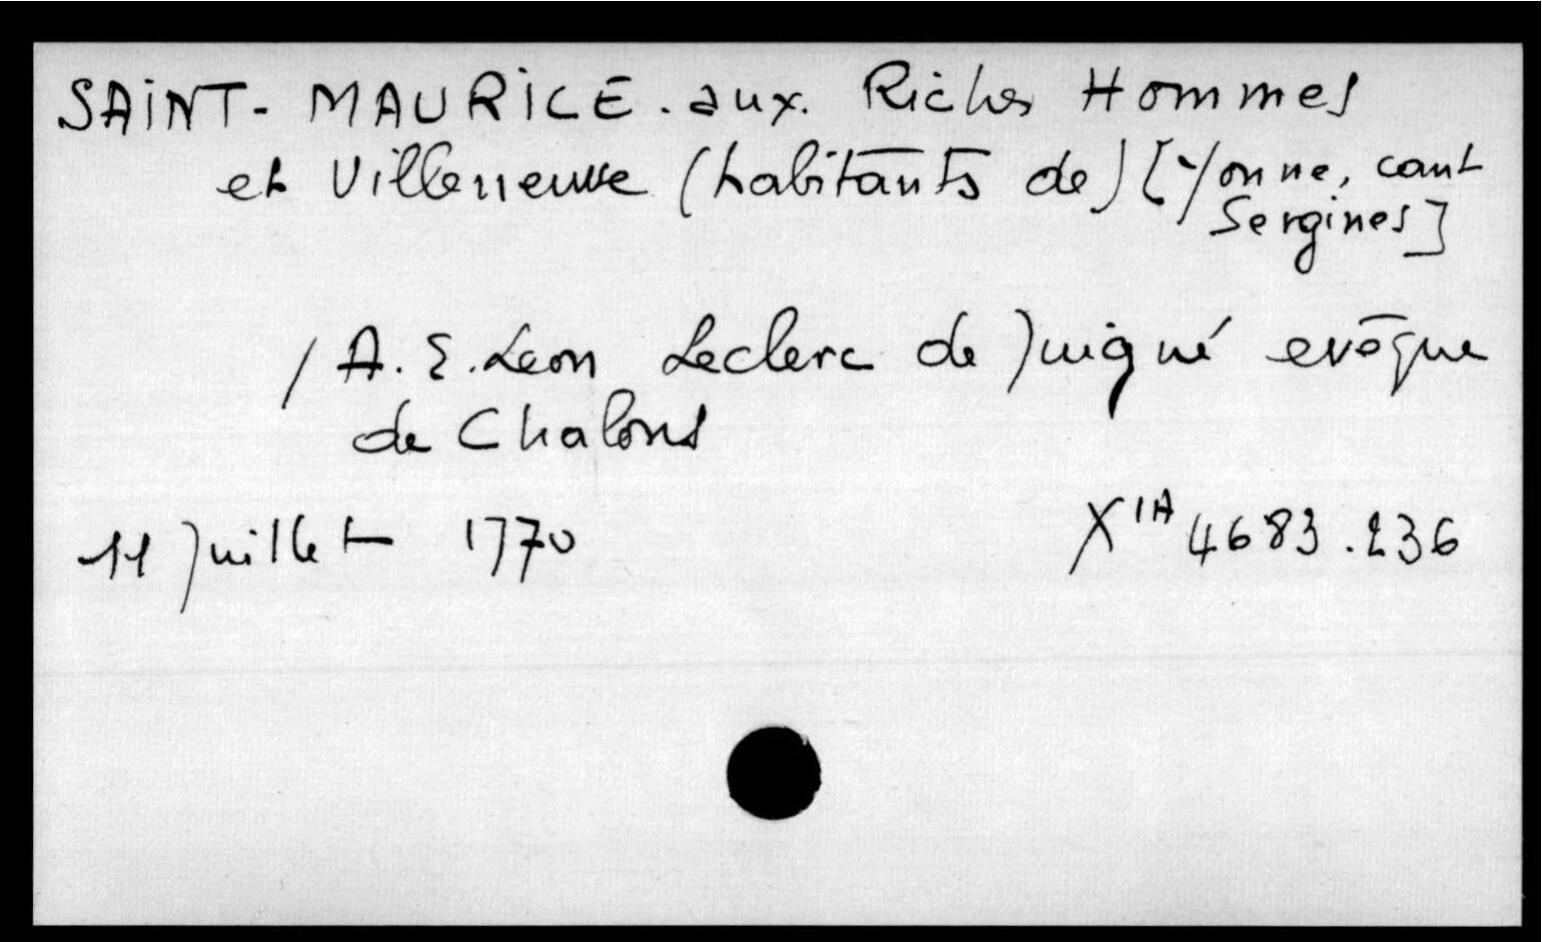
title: SAINT-MAURICE-aux-Riches Hommes et Villeneuve (habitants de) [Yonne, canton Sergines]
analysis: Contre A. E. Léon Leclerc de Juigné évêque de Chalons
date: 11 juillet 1770
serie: X1A
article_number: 4683
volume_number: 236
